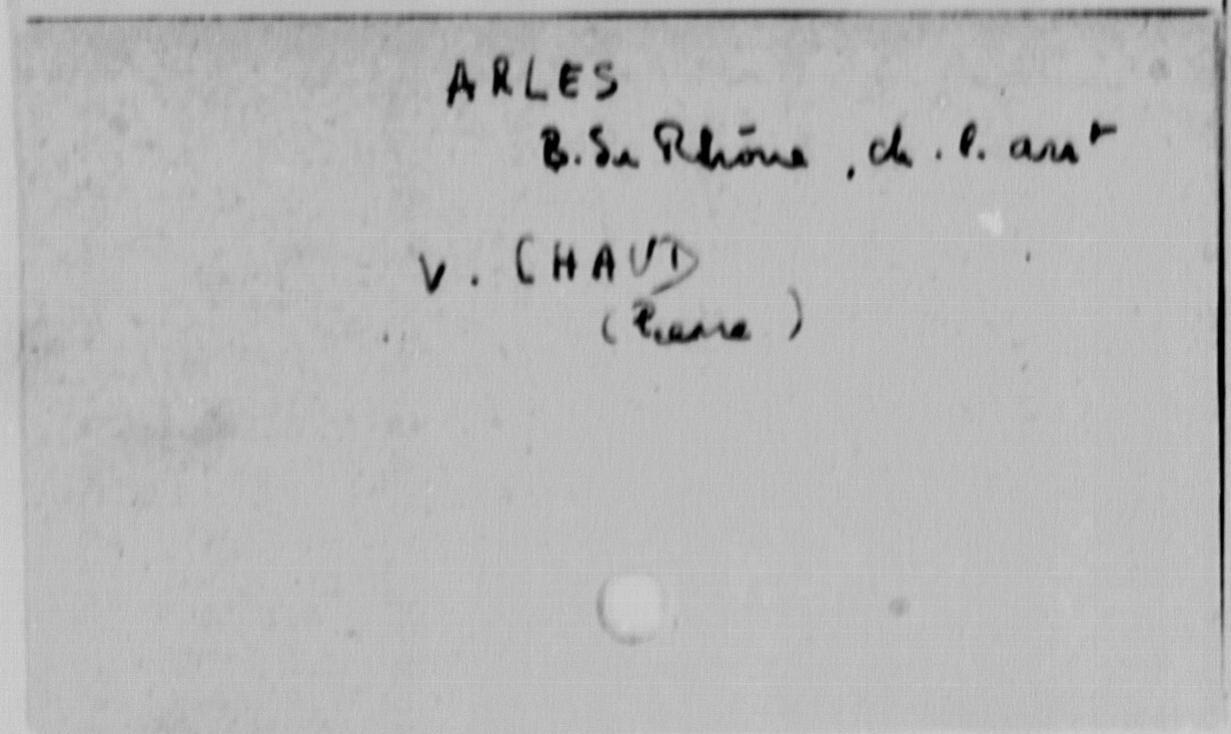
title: ARLES (chef-lieu d'arrondissement, département des Bouches-du-Rhône)
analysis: Voir CHAUD (Pierre)
